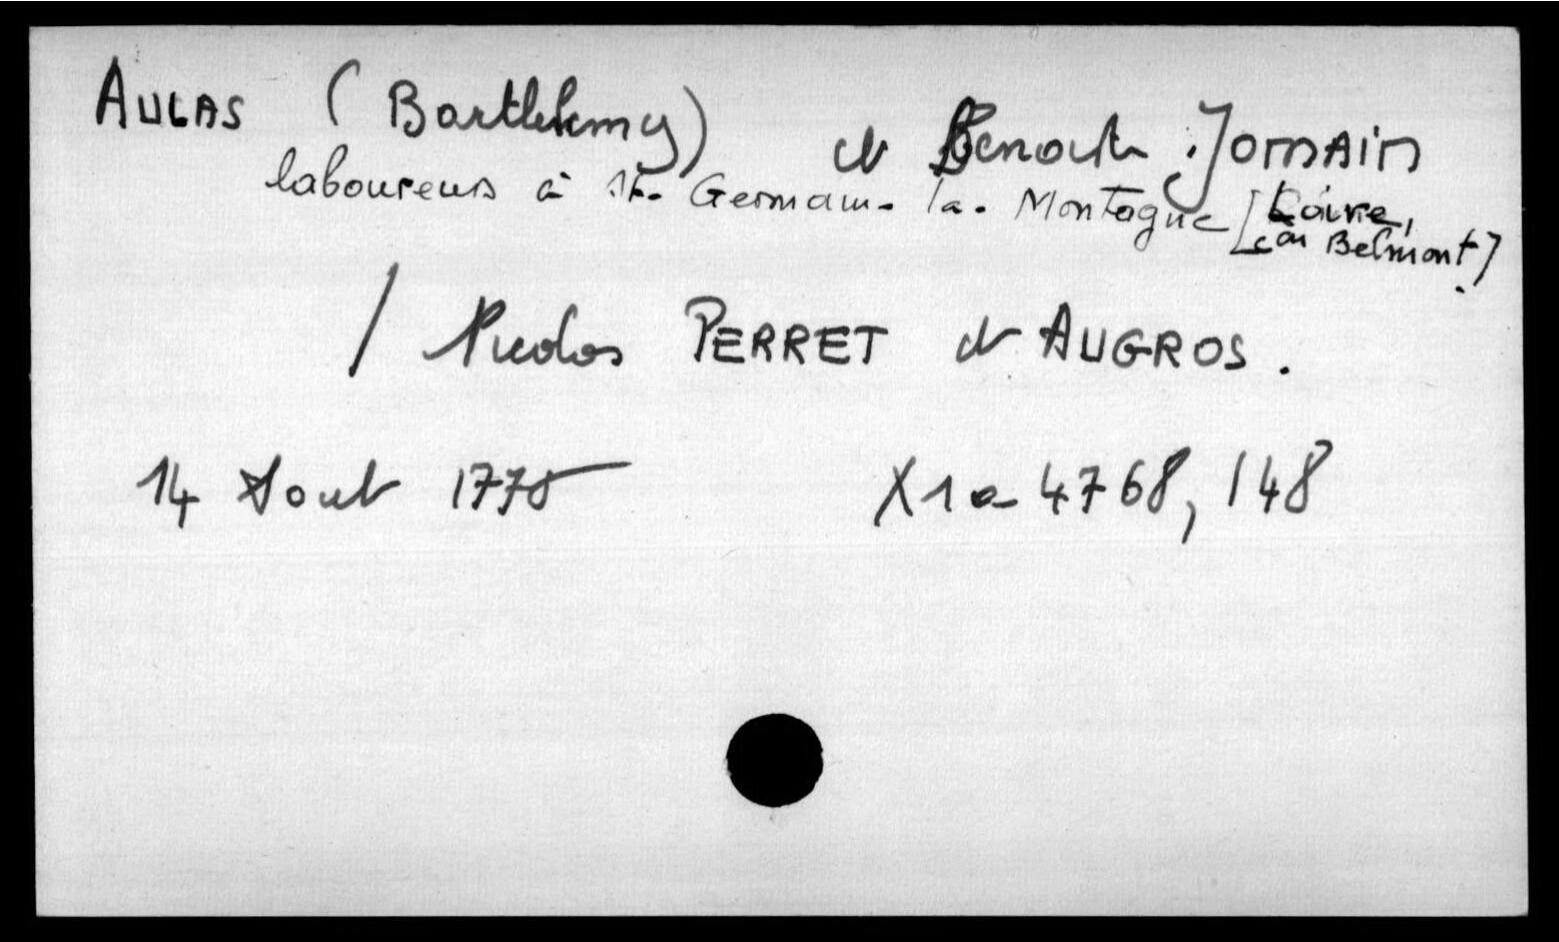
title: AULAS (Bartlelemy) et Benoît JOMAIN laboureurs à Saint-Germain-la-Montagne [Loire, canton Belmont]
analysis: Contre Nicolas PERRET et AUROS
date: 14 août 1775
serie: X1a
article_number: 4768
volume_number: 148
